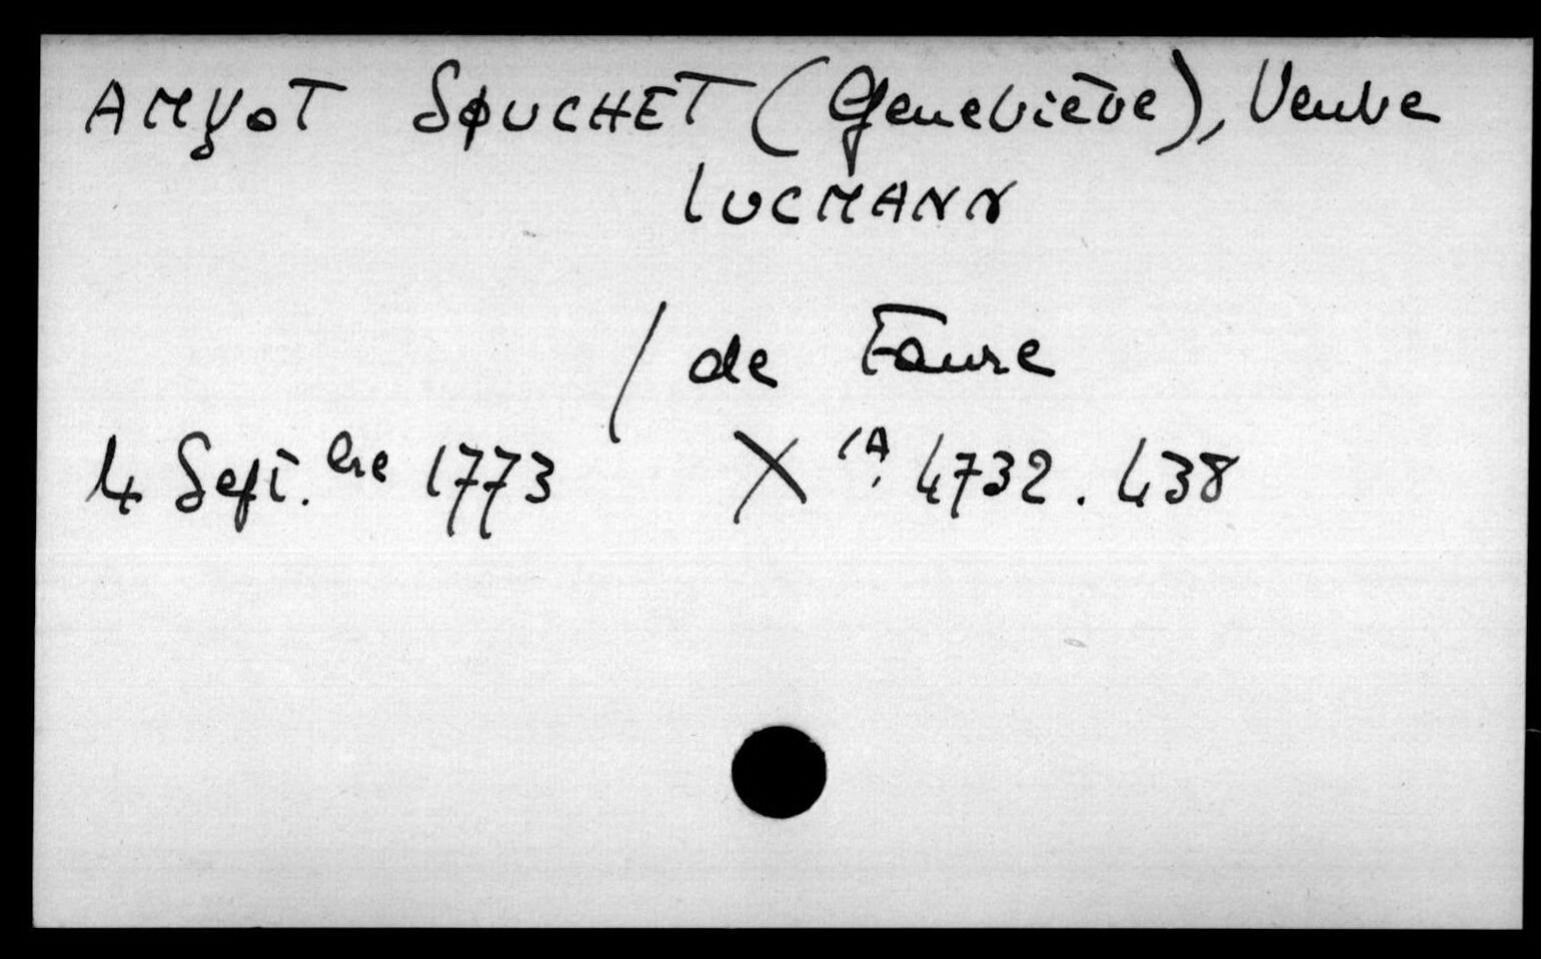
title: AMYOT SUCHET (Geneviève), Veuve LUCMAN
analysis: Contre de Faure
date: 4 septembre 1773
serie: X1A
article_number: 4732
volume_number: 438
